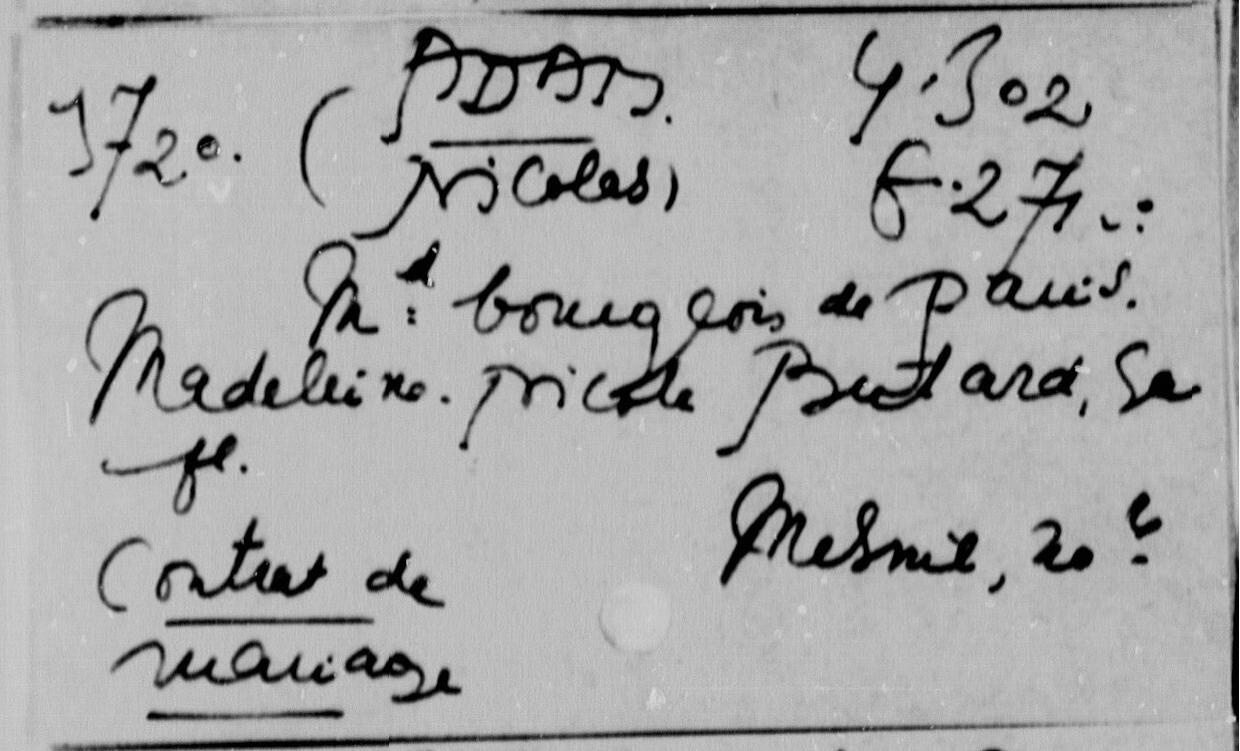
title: ADAM (Nicolas)
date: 1720
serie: Y
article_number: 302
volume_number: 271v
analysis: Marchand bourgeois de Paris. Madeleine-Nicole BUTARD, sa femme. Contrat de mariage. Mesnil, notaire.
